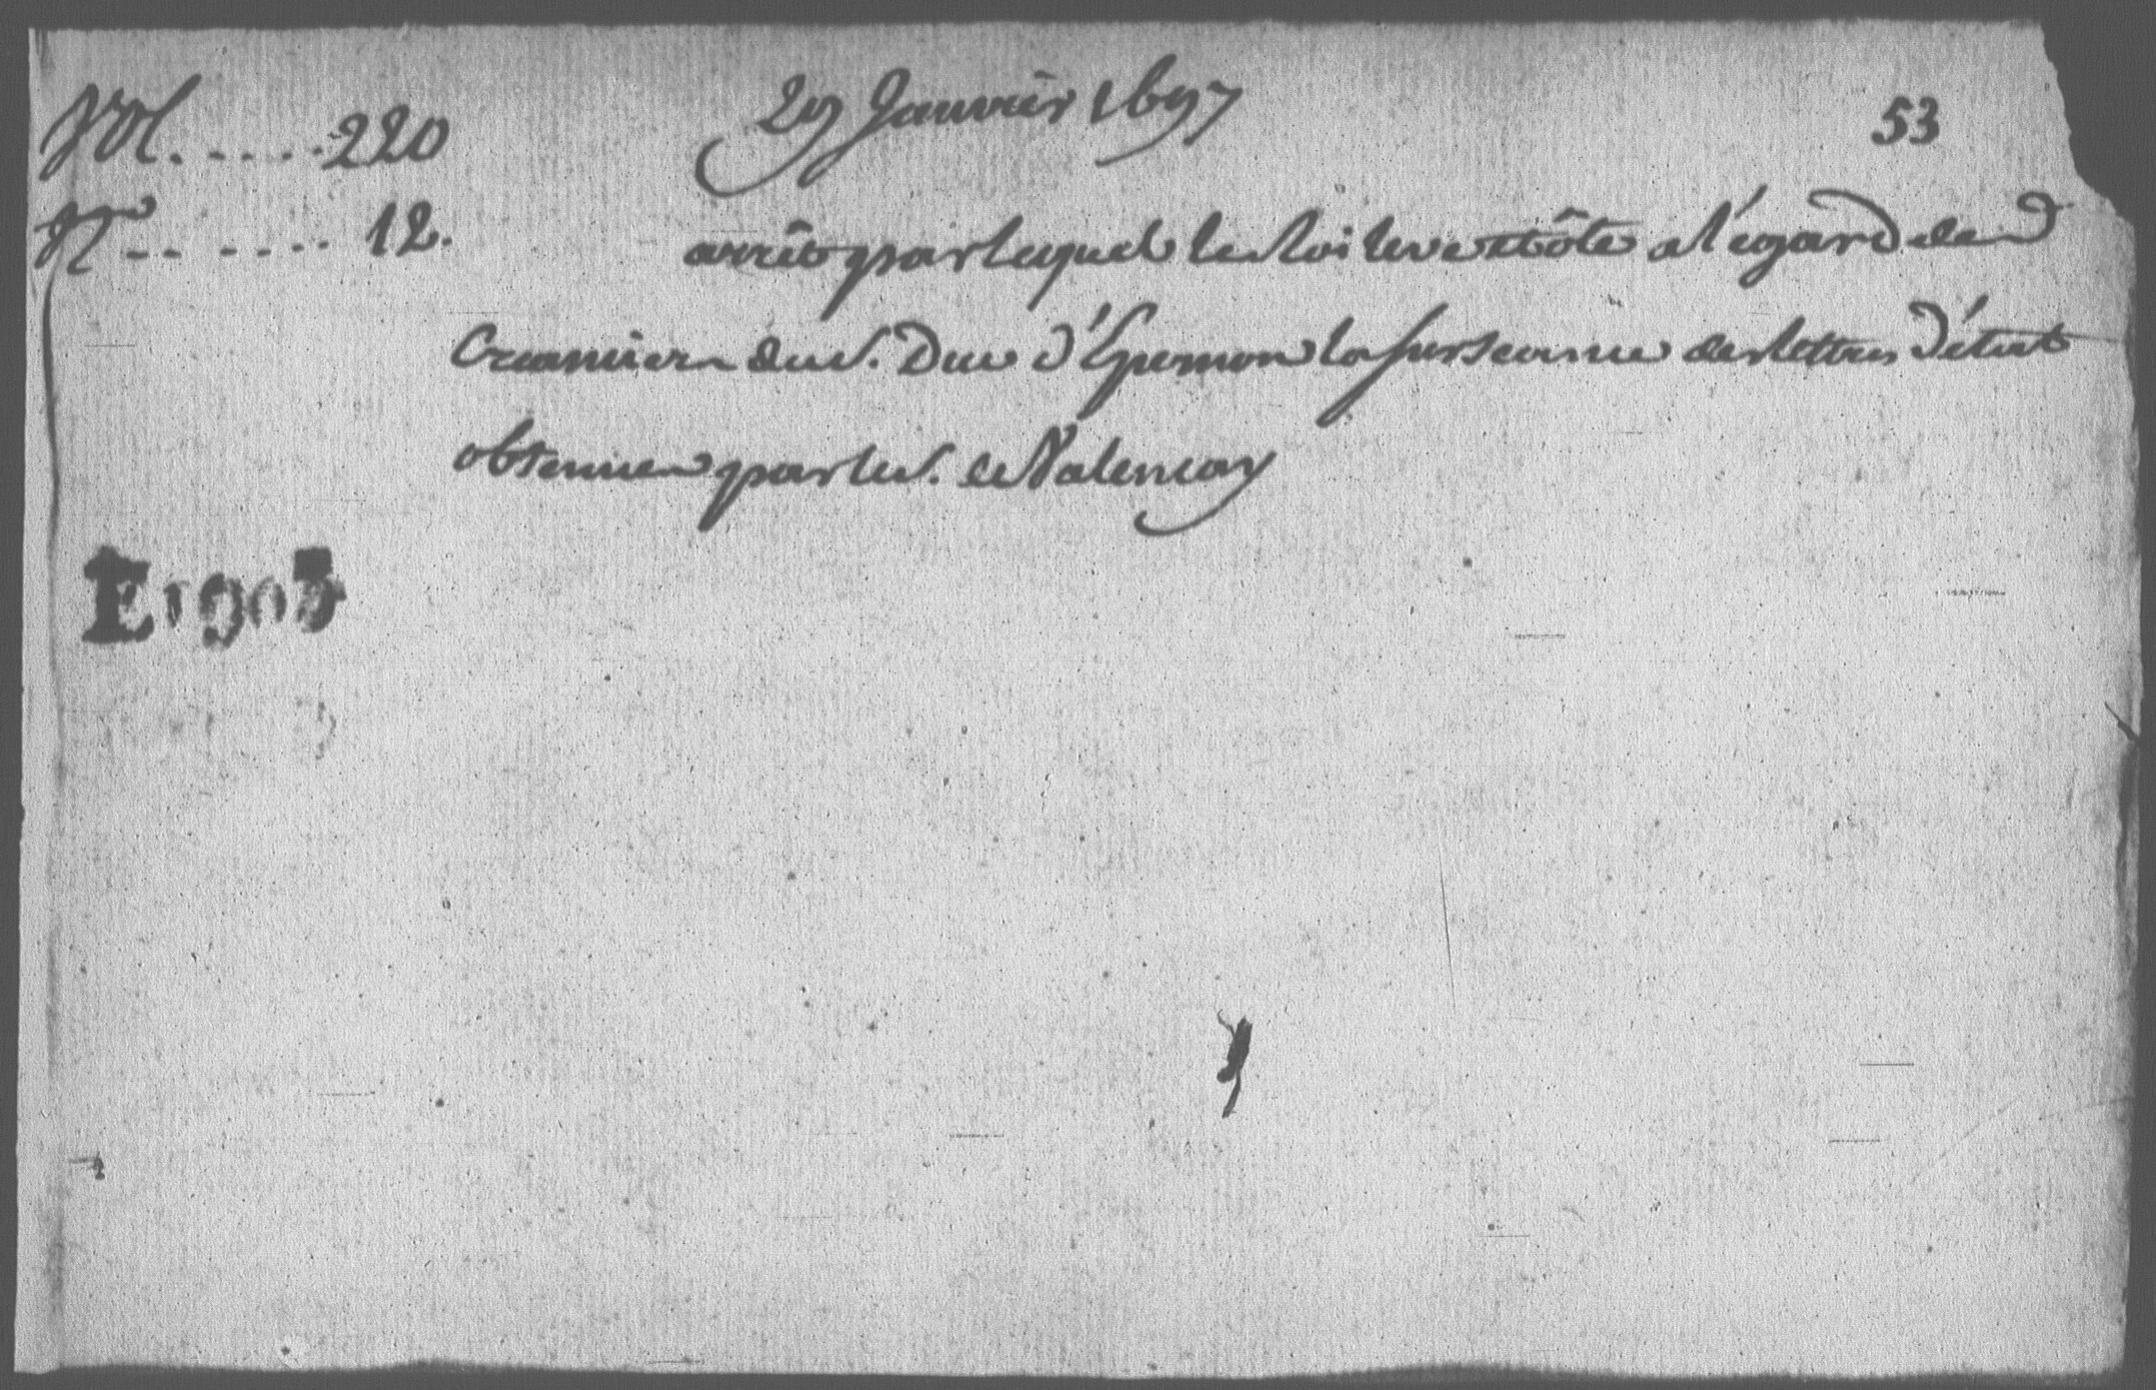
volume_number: n°12
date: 29 janvier 1697
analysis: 53
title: arrêt par lequel le Roi leve et ôte a l'égard des creanciers du S. Duc d'Epernon la surseance des lettres d'état obtenues par le S. de Valencay
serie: E
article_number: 1903
